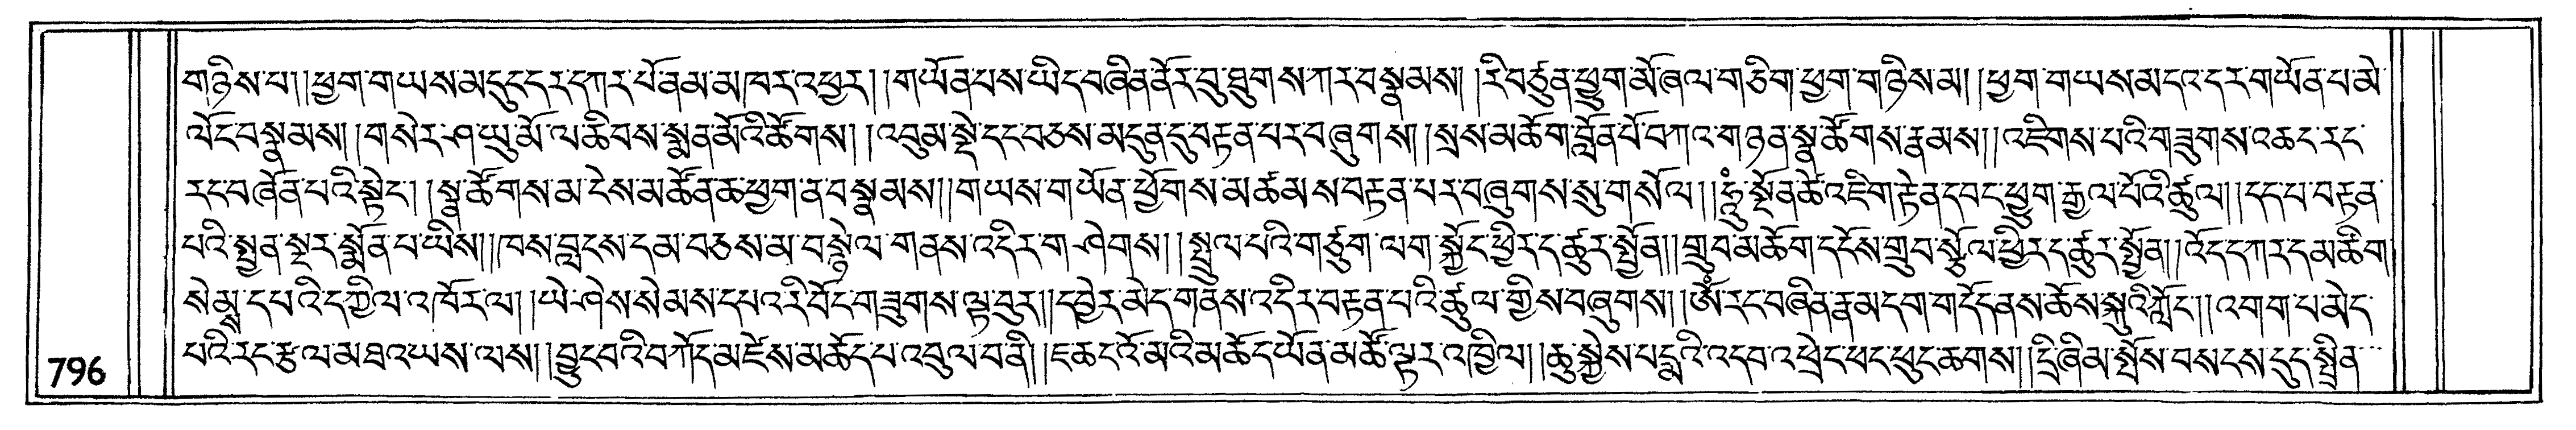གཉིས་པ། །ཕྱག་གཡས་མདུང་དར་དཀར་པོ་ནམ་མཁར་འཕྱར། །གཡོན་པས་ཡིད་བཞིན་ནོར་བུ་ཐུགས་ཀར་བསྣམས། །རི་བཙུན་ཕྱུག་མོ་ཞལ་གཅིག་ཕྱག་གཉིས་མ། །ཕྱག་གཡས་མདའ་དར་གཡོན་པ་མེ་
ལོང་བསྣམས། །གསེར་ཤ་ཡུ་མོ་ལ་ཆི་བས་སྨན་མོའི་ཚོགས། །འབུམ་སྡེ་དང་བཅས་མདུན་དུ་བརྟན་པར་བཞུགས། །སྲས་མཆོག་བློན་པོ་བཀའ་གཉན་སྣ་ཚོགས་རྣམས། །འཇིགས་པའི་གཟུགས་འཆང་རང་
རང་བཞོན་པའི་སྟེང་། །སྣ་ཚོགས་མ་ངེས་མཚོན་ཆ་ཕྱག་ན་བསྣམས། །གཡས་གཡོན་ཕྱོགས་མཚམས་བརྟན་པར་བཞུགས་སུ་གསོལ། །ཧཱུཾ་སྔོན་ཚེ་འཇིག་རྟེན་དབང་ཕྱུག་རྒྱལ་པོའི་ཚུལ། །དད་པ་བརྟན་
པའི་སྤྱན་སྔར་སྨོན་པ་ཡིས། །ཁས་བླངས་དམ་བཅས་མ་བསྙེལ་གནས་འདིར་གཤེགས། །སྤྲུལ་པའི་གཙུག་ལག་སྐྱོང་ཕྱིར་ད་ཚུར་སྤྱོན། །གྲུབ་མཆོག་དངོས་གྲུབ་སྩོལ་ཕྱིར་ད་ཚུར་སྤྱོན། །འོད་དཀར་དམ་ཚིག་
སེམས་དཔའི་དཀྱིལ་འཁོར་ལ། །ཡེ་ཤེས་སེམས་དཔའ་རི་བོང་གཟུགས་ལྟ་བུར། །དབྱེར་མེད་གནས་འདིར་བརྟན་པའི་ཚུལ་གྱིས་བཞུགས། །ཨོཾ་རང་བཞིན་རྣམ་དག་གདོད་ནས་ཆོས་སྐུའི་ཀློང་། །འགག་པ་མེད་
པའི་རང་རྩལ་མཐའ་ཡས་ལས། །བྱུང་བའི་བཀོད་མཛེས་མཆོད་པ་འབུལ་བ་ནི། །ཇ་ཆང་འོ་མའི་མཆོད་ཡོན་མཚོ་ལྟར་འཁྱིལ། །ཆུ་སྐྱེས་པདམའི་འདབ་འཕྲེང་ཕང་ཕུང་ཆགས། །དྲི་ཞིམ་སྤོས་བསངས་དུད་སྤྲིན་